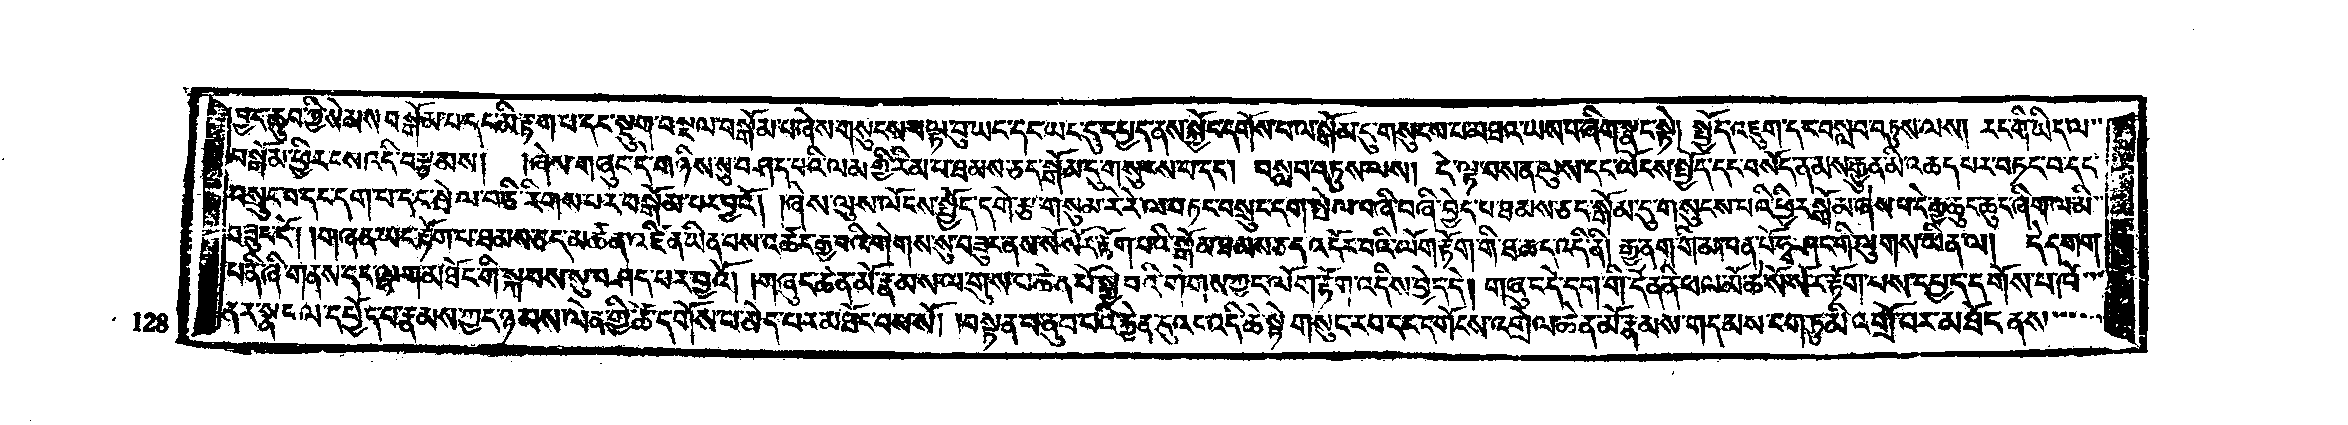བྱང་ཆུབ་ཀྱི་སེམས་བསྒོམ་པ་དང་མི་རྟག་པ་དང་སྡུག་བསྔལ་བསྒོམ་པ་ཞེས་གསུངས་པ་ལྟ་བུ་ཡང་དང་ཡང་དུ་དཔྱད་ནས་སྐྱོང་དགོས་པ་ལ་སྒོམ་དུ་གསུངས་པ་མཐའ་ཡས་པ་ཞིག་སྣང་སྟེ། སྤྱོད་འཇུག་དང་བསླབ་བཏུས་ལས། རང་གི་ཡིད་ལ་
བསྒོམ་ཕྱིར་ངས་འདི་བརྩམས། །ཞེས་གཞུང་དེ་གཉིས་སུ་བཤད་པའི་ལམ་གྱི་རིམ་པ་ཐམས་ཅད་སྒོམ་དུ་གསུངས་པ་དང་། བསླབ་བཏུས་ལས། དེ་ལྟ་བས་ན་ལུས་དང་ལོངས་སྤྱོད་དང་བསོད་ནམས་རྒྱུན་མི་འཆད་པར་བཏང་བ་དང་
བསྲུང་བ་དང་དག་པ་དང་སྤེལ་བ་ཅི་རིགས་པར་བསྒོམ་པར་བྱའོ། །ཞེས་ལུས་ལོངས་སྤྱོད་དགེ་རྩ་གསུམ་རེ་རེ་ལ་བཏང་བསྲུང་དག་སྤེལ་བཞི་བཞི་བྱེད་པ་ཐམས་ཅད་སྒོམ་དུ་གསུངས་པའི་ཕྱིར་སྒོམ་ཞེས་པ་དེ་རྒྱ་ཆུང་ཆུང་ཞིག་ལ་མི་
བཟུང་ངོ། །གཞན་ཡང་རྟོག་པ་ཐམས་ཅད་མཚན་འཛིན་ཡིན་པས་འཚང་རྒྱ་བའི་གེགས་སུ་བཟུང་ནས་སོ་སོར་རྟོག་པའི་སྒོམ་ཐམས་ཅད་འདོར་བའི་ལོག་རྟོག་གི་ཐ་ཆད་འདི་ནི། རྒྱ་ནག་གི་མཁན་པོ་ཧྭ་ཤང་གི་ལུགས་ཡིན་ལ། དེ་དགག་
པ་ནི་ཞི་གནས་དང་ལྷག་མཐོང་གི་སྐབས་སུ་བཤད་པར་བྱའོ། །གཞུང་ཆེན་མོ་རྣམས་ལ་གུས་པ་ཆེན་པོ་སྐྱེ་བའི་གེགས་ཀྱང་ལོག་རྟོག་འདིས་བྱེད་དེ། གཞུང་དེ་དག་གི་དོན་ནི་ཕལ་མོ་ཆེ་སོ་སོར་རྟོག་པས་དཔྱད་དགོས་པ་ཁོ་
ནར་སྣང་ལ་དཔྱོད་པ་རྣམས་ཀྱང་ཉམས་ལེན་གྱི་ཚེ་དགོས་པ་མེད་པར་མཐོང་བས་སོ། །བསྟན་པ་ནུབ་པའི་རྐྱེན་དུའང་འདི་ཆེ་སྟེ་གསུང་རབ་དང་དགོངས་འགྲེལ་ཆེན་མོ་རྣམས་གདམས་ངག་ཏུ་མི་འགྲོ་བར་མཐོང་ནས་